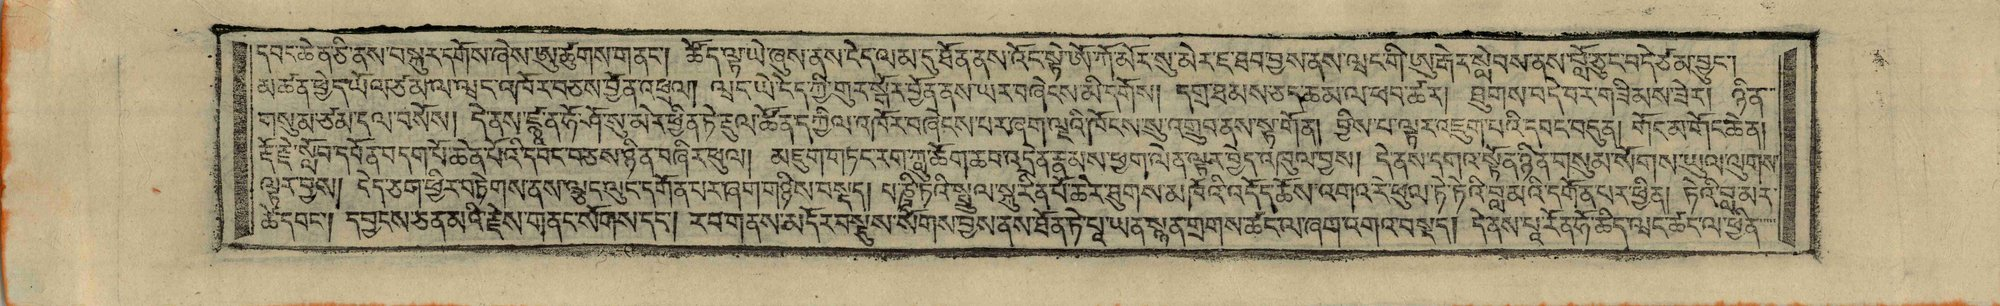དབང་ཆེན་ཅི་ནས་བསྐུར་དགོས་ཞེས་ཨུ་ཚུགས་གནང་། ཚོད་ལྟ་ཡེ་ཞུས་ནས་ངེད་ལམ་དུ་ཐོན་ནས་འོང་སྟེ་ཨོ་ཀོ་མོར་སུ་མེར་ཇ་ཐབ་བྱས་ནས་ཝང་གི་ཨུརྒེར་སླེབས་ནས་བློ་ཅུང་བདེ་ཙམ་བྱུང་།
མཚན་ཕྱེད་ཡོལ་ཙམ་ལ་ཝང་འཁོར་བཅས་བྱོན་འཕྲལ། ཝང་ཡེ་ངེད་ཀྱི་གུར་སྒོར་བྱོན་ནས་ཡར་བཞེངས་མི་དགོས། དགྲ་ཐམས་ཅད་ཆམ་ལ་ཕབ་ཚར། ཐུགས་བདེ་བར་གཟིམས་ཟེར། ཉིན་
གསུམ་ཙམ་དལ་བསོས། དེ་ནས་ཛྙཱ་ན་ཧོ་ཤོ་སུ་མེར་ཕྱིན་ཏེ་རྡུལ་ཚོན་དཀྱིལ་འཁོར་བཞེངས་པར་ཞག་ལྔའི་ཁོངས་སུ་འགྲུབ་ནས་སྟ་གོན། བྱིས་པ་ལྟར་འཇུག་པའི་དབང་བདུན། གོང་མ་གོང་ཆེན།
རྡོ་རྗེ་སློབ་དཔོན་བདག་པོ་ཆེན་པོའི་དབང་བཅས་ཉིན་བཞིར་ཕུལ། མཇུག་གཏང་རག་ཀླུ་ཆོག་ཆབ་འདྲེན་རྣམས་ཕྱག་ལེན་ལྟར་བྱེད་འཁུལ་བྱས། དེ་ནས་དགའ་སྟོན་ཉིན་གསུམ་སོགས་ཡུལ་ལུགས་
ལྟར་བྱས། ངེད་ཅག་ཕྱིར་བཏེགས་ནས་ལྕང་ལུང་དགོན་པར་ཞག་གཉིས་བསྡད། པཎྜི་ཏའི་སྤྲུལ་སྐུ་རིན་པོ་ཆེར་ཐུགས་མཁོའི་འདོད་ཆོས་འགའ་རེ་ཕུལ་ཏེ་ཏེའི་བླ་མའི་དགོན་པར་ཕྱིན། ཏེའི་བླ་མར་
ཚེ་དབང་། དབྱངས་ཅན་མའི་རྗེས་གནང་སོགས་དང་། རབ་གནས་མདོར་བསྡུས་སོགས་བྱས་ནས་ཐོན་ཏེ་པཱ་ཡན་སྙན་གྲགས་ཚང་ལ་ཞག་འགའ་བསྡད། དེ་ནས་པཱ་རོན་ཧོ་ཆིད་ཝང་ཚང་ལ་ཕྱིན་